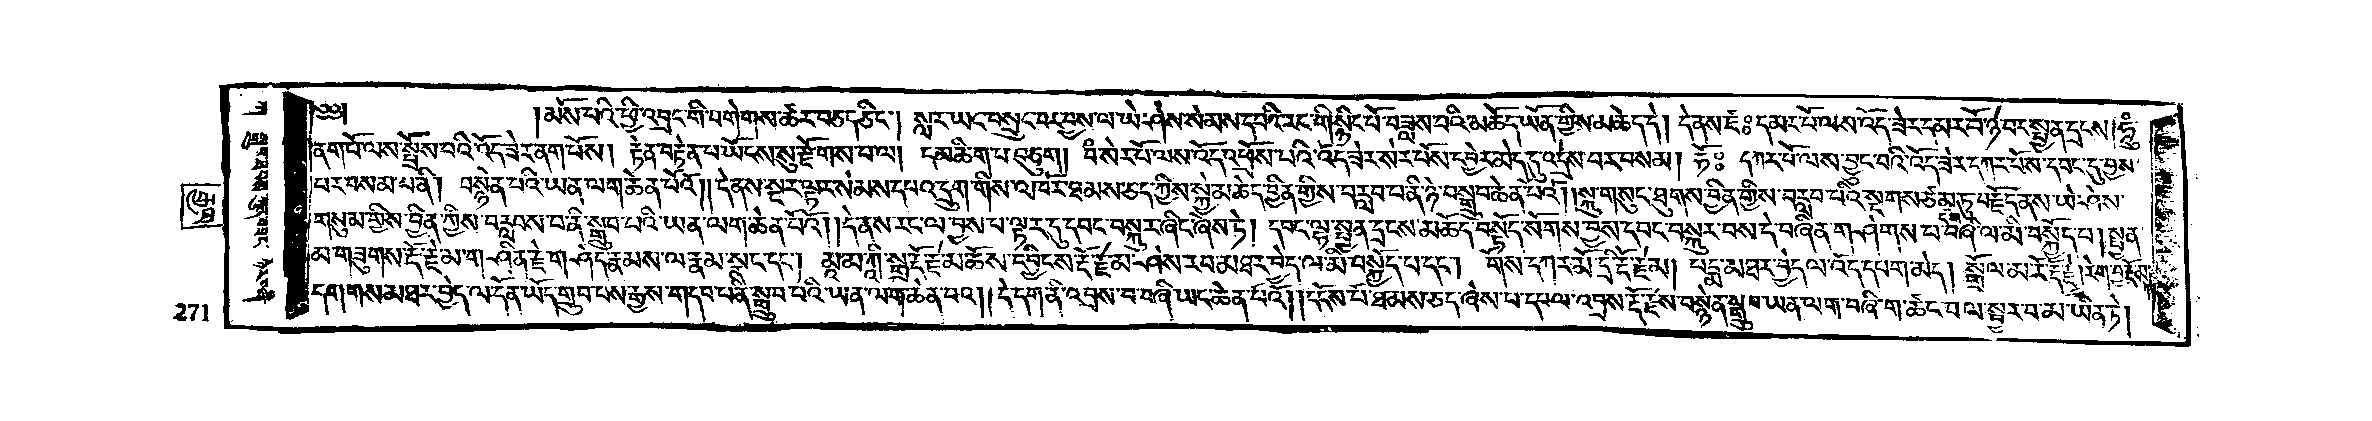༄༅། །མོས་པའི་ཕྱི་འབྲང་གི་བགེགས་ཚར་བཅས་ཅིང་། སླར་ཡང་བསྲུང་བར་བྱས་ལ་ཡེ་ཤེས་སེམས་དཔའི་རང་གི་སྙིང་པོ་བཟླས་པའི་མཆོད་ཡོན་གྱིས་མཆེད་དེ། དེ་ནས་ཛཿ དམར་པོ་ལས་འོད་ཟེར་དམར་པོ་ཉེ་བར་སྤྱན་དྲངས། །ཧཱུཾ་
ནག་པོ་ལས་སྤྲོས་པའི་འོད་ཟེར་ནག་པོས། རྟེན་བརྟེན་པ་ཡོངས་སུ་རྫོགས་པ་ལ། དམ་ཚིག་པ་བཅུག །བཾ་སེར་པོ་ལས་འོད་འཕྲོས་པའི་འོད་ཟེར་སེར་པོས་དབྱེར་མེད་དུ་འདྲེས་པར་བསམ། ཧོཿ དཀར་པོ་ལས་བྱུང་བའི་འོད་ཟེར་དཀར་པོས་དབང་དུ་བྱས་
པར་བསམ་པ་ནི། བསྙེན་པའི་ཡན་ལག་ཆེན་པོའོ། །དེ་ནས་སྔར་ལྟར་སེམས་དཔའ་དྲུག་གིས་འཁོར་ཐམས་ཅད་ཀྱིས་སྐྱེ་མཆེད་བྱིན་གྱིས་བརླབ་པ་ནི་ཉེ་བསྒྲུབ་ཆེན་པོའོ། །སྐུ་གསུངས་ཐུགས་བྱིན་གྱིས་བརླབ་པའི་སྔགས་ཙམ་དག་ཏུ་བརྗོད་ནས་ཡེ་ཤེས་
གསུམ་གྱིས་བྱིན་གྱིས་བརླབས་པ་ནི་སྒྲུབ་པའི་ཡན་ལག་ཆེན་པོའོ། །དེ་ནས་རང་ལ་བྱས་པ་ལྟར་དུ་དབང་བསྐུར་ཞིང་ཞེས་ཏེ། དབང་ལྷ་སྤྱན་དྲངས་མཆོད་བསྟོད་སོགས་བྱས་དབང་བསྐུར་བས་དེ་བཞིན་གཤེགས་པ་བཞི་ལ་མི་བསྐྱོད་པ། སྤྱན་
མ་གཟུགས་རྡོ་རྗེ་མ་གཤིན་རྗེ་གཤེད་རྣམས་ལ་རྣམ་སྣང་དང་། མཱ་མ་ཀཱི་སྒྲ་རྡོ་རྗེ་མ་ཆོས་དབྱིངས་རྡོ་རྗེ་མ་ཤེས་རབ་མཐར་བྱེད་ལ་མི་བསྐྱོད་པ་དང་། གོས་དཀར་མོ་དྲི་རྡོ་རྗེ་མ། པདམ་མཐར་བྱེད་ལ་འོད་དཔག་མེད། སྒྲོལ་མ་རོ་རྡོ་རྗེ། རེག་བྱ་རྡོམས?
དག་གས་མཐར་བྱེད་ལ་དོན་ཡོད་གྲུབ་པས་རྒྱས་གདབ་པ་ནི་སྒྲུབ་པའི་ཡན་ལག་ཆེན་པའོ། །དེ་དག་ནི་འབྲས་བ་བཞི་ཡང་ཆེན་པོའོ། །དངོས་པོ་ཐམས་ཅད་ཞེས་པ་དཔལ་འབྲས་རྡོ་རྗེས་བསྙེན་སྒྲུབ་ཡན་ལག་བཞི་ག་ཚང་བ་ལ་སྦྱར་བ་མ་ཡིན་ཏེ།